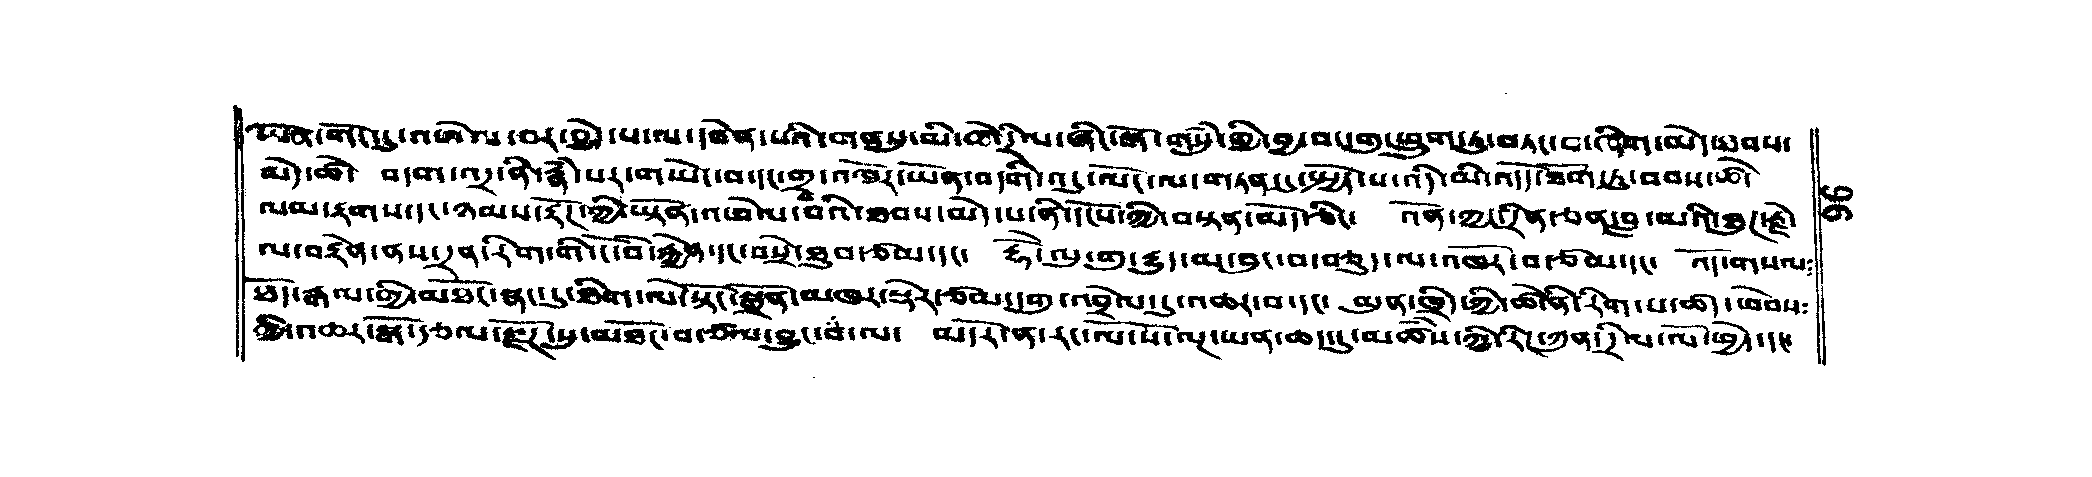ཡོན་ཏན་གོང་དུ་འཕེལ་བར་བྱེད་པ་ལ་དབེན་པའི་གནས་སུ་མི་ཚེ་དྲིལ་ཞིང་སྒོ་གསུམ་གྱི་བྱ་བ་དགུ་ཕྲུག་སུ་བཏང་བ་ཞིག་མེད་ཐབས་
མེད་ཚེ། བདག་འདྲ་ནི་རྣམ་པར་གཡོ་བ་དང་གྲྭ་འཁོར་ཡོན་བདག་གི་འདུ་ལོང་ལ་གཏན་དུ་སྤྱོད་པ་འདི་མི་འདོད་ཐོག་ཏུ་བབས་ཚེ། 
ལམ་རྟགས་དང་ཉམས་རྟོགས་ཀྱི་ཡོན་ཏན་འཕེལ་བའི་ཐབས་མེད་པ་ནི་དངོས་ཀྱིས་བསྟན་མོད་ཅིང་། འོན་ཀྱང་དྲིན་ཅན་བླ་མའི་ཐུགས་རྗེ་
ལ་བརྟེན་ནས་དྲན་རིག་གི་ངོ་བོ་རྐྱེན་དང་བསྲེ་ཐུབ་ཙམ་དང་། རྡོ་རྗེ་ལུ་གུ་རྒྱུད་མ་བུང་བ་བཅུད་ལ་འཁོར་བ་ཙམ་དང་། འོད་གསལ་
ཐོད་རྒལ་གྱི་མཐོང་སྣང་དུ་ཐིག་ལེ་སྟོང་སྒྲོན་མཁར་སྡེར་ཙམ་དགུ་འབྲེལ་དུ་འཆར་བ་དང་། མུན་ཁྲིད་ཀྱི་ཚེ་ནི་རིག་པ་ཚད་ཕེབས་
ཀྱི་འཆར་སྒོ་རྩལ་རྫོགས་སུ་མཐོང་བ་ཙམ་བྱུང་བ་ལ། མདོར་ན་རང་ལོ་སོ་ལྔ་ཡན་ཆད་དུ་མཚམས་ཀྱི་རིགས་ཀུན་དྲིལ་ལོ་ཕྱེད་དང་